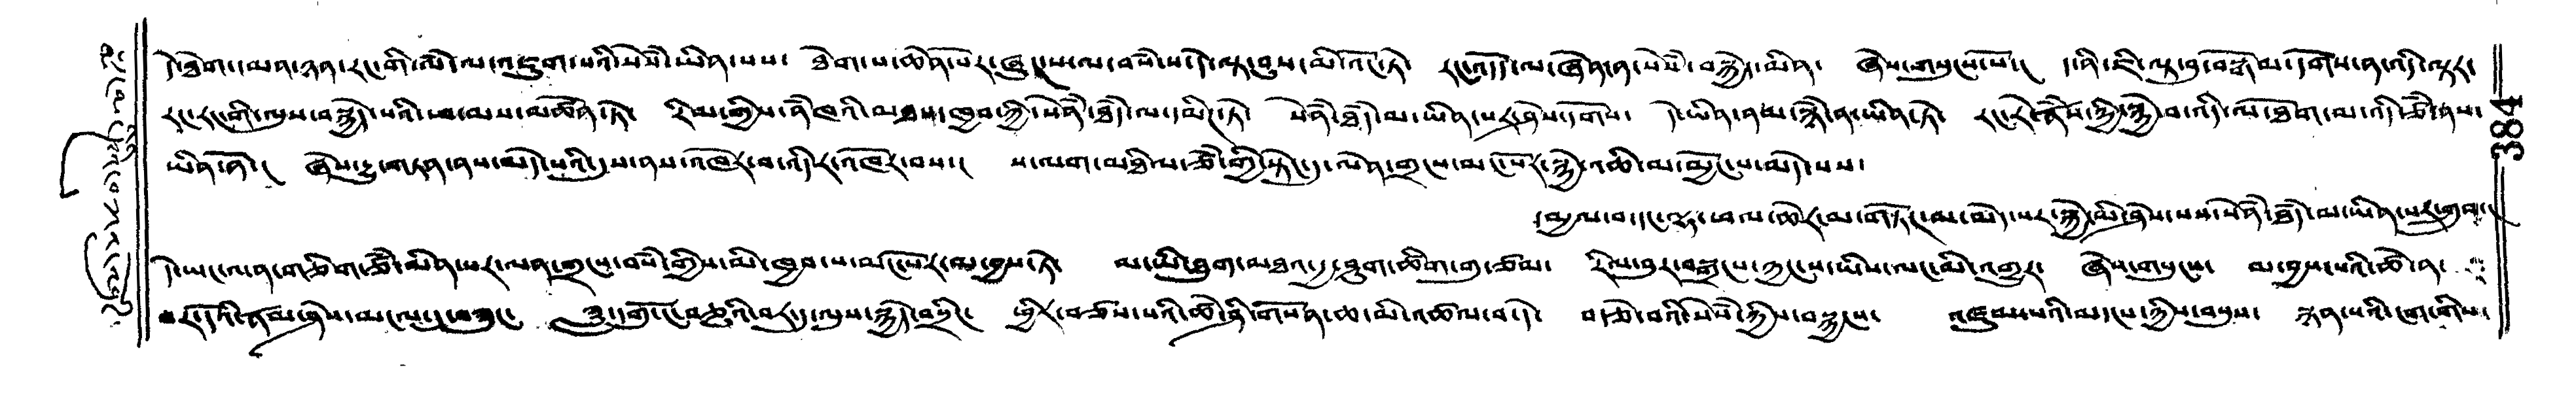དེ་ཐེག་དམན་ཉན་རང་གི་ལམ་ལ་འཇུག་པའི་སེམས་ཡིན་པས་ཐེག་པ་ཆེན་པོར་ཞུགས་པ་ལ་བསམ་པ་དེ་ལྟ་བུས་མི་འོང་སྟེ། རང་འདོད་ལ་ཞེན་ན་སེམས་བསྐྱེད་མིན། ཞེས་གསུངས་སོ། ད་ནི་ཇི་ལྟ་བུ་སྒོམ་དགོས་ན་འདི་ལྟར་
རང་རང་གི་ལུས་བསྐྱེད་པའི་ཕ་མས་མཚོན་ཏེ་རིམ་གྱིས་ནམ་མཁའི་མཐའ་ཁྱབ་ཀྱི་སེམས་ཅན་ཐམས་ཅད་ལ་དམིགས་ཏེ་སེམས་ཅན་ཐམས་ཅད་མ་ཡིན་པར་ཤེས་དགོས། དེ་ཡིན་ནམ་སྙམ་ན་ཡིན་སྟེ། རང་རེ་རྣམས་ཀྱི་སྐྱེ་བ་འདི་ལ་ཐོག་མ་འདི་ཙམ་ནས་
ཡིན་ནོ་ཞེས་རྒྱུ་གཏན་ནས་མེད་པའི་དུས་ནས་འཁོར་བ་འདིར་འཁོར་བས། ས་ལག་མཐིལ་ཙམ་གྱི་སྟེང་དུ་ལན་གྲངས་མང་པོར་སྐྱེ་འཆི་མ་མྱོང་པ་མེད་པས་
དམྱལ་བ་དང་ལྷ་ཕལ་ཆེར་མ་གཏོགས་མ་མེད་པར་སྐྱེ་མི་ཤེས་པས་སེམས་ཅན་ཐམས་ཅད་མ་ཡིན་པར་གྲུབ། 
དེ་ཡང་ལན་གཅིག་ཙམ་མིན་པར་ལན་གྲངས་བསམ་གྱིས་མི་ཁྱབ་པ་མང་པོར་མ་བྱས་ཏེ། མ་ཡི་ཐུག་མཐའ་རྒྱ་ཤུག་ཚིག་གུ་ཙམ། རིལ་བུར་བགྲངས་ཀྱང་ས་ཡི་ལོངས་མི་འགྱུར། ཞེས་གསུངས། མ་བྱས་པའི་ཚེ་ན་
བར་དོའི་རྣམ་ཤེས་མངལ་དུ་བཟུང་། ཟླ་དགུ་ངོ་བཅུའི་བར་དུ་ལུས་སྐྱེད་བསྲིངས། ཕྱིར་བཙས་པའི་ཚེ་ཤི་གསོན་ཆ་མི་འཚལ་བ་དེ་བརྩེ་བའི་སེམས་ཀྱི་བསྐྱངས། འཛུམ་པའི་མདངས་ཀྱི་བསུས། སྙན་པའི་ངག་གིས་